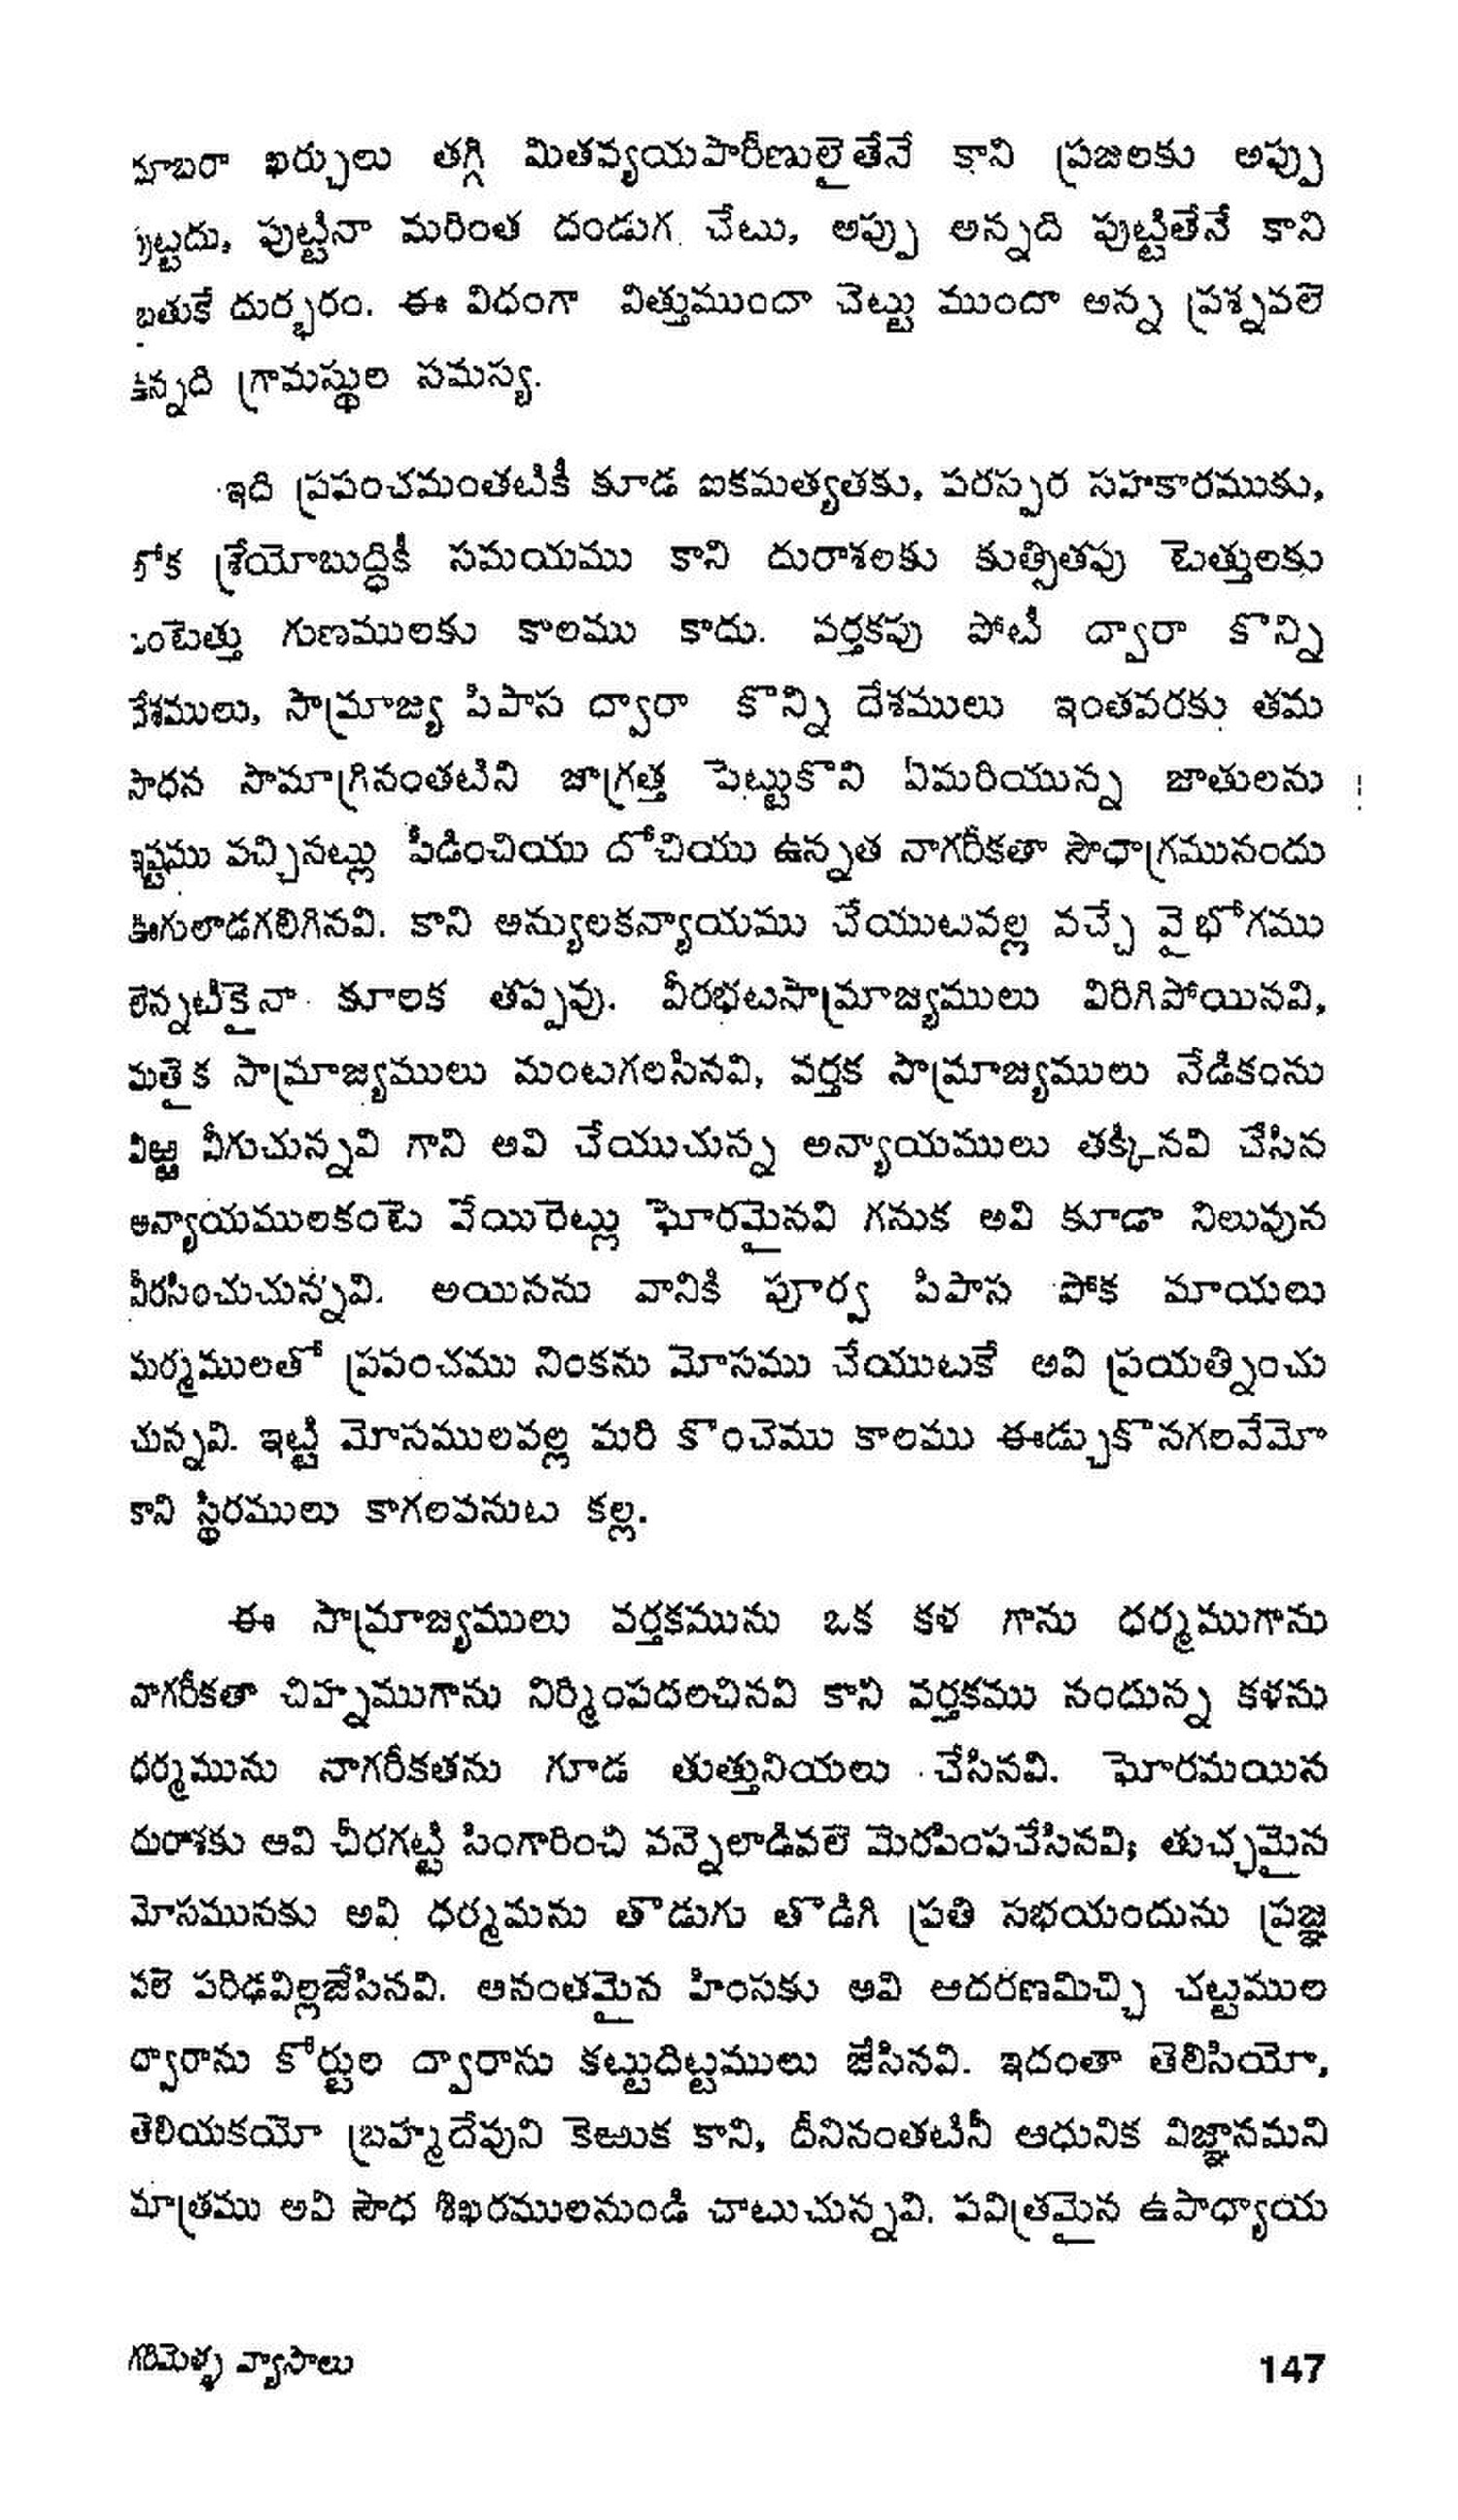దుబారా ఖర్చులు తగ్గి మితవ్యయపారీణులైతేనే కాని ప్రజలకు అప్పు పుట్టదు. పుట్టినా మరింత దండుగ చేటు. అప్పు అన్నది పుట్టితేనే కాని బతుకే దుర్భరం. ఈ విధంగా విత్తుముందా చెట్టు ముందా అన్న ప్రశ్నవలె ఉన్నది గ్రామస్థుల సమస్య.

ఇది ప్రపంచమంతటికీ కూడ ఐకమత్యతకు, పరస్పర సహకారముకు, లోక శ్రేయోబుద్ధికీ సమయము కాని దురాశలకు కుత్సితపు టెత్తులకు ఒంటెత్తు గుణములకు కాలము కాదు. వర్తకపు పోటీ ద్వారా కొన్ని దేశములు, సామ్రాజ్య పిపాస ద్వారా కొన్ని దేశములు ఇంతవరకు తమ సాధన సామగ్రినంతటిని జాగ్రత్త పెట్టుకొని ఏమరియున్న జాతులను ఇష్టము వచ్చినట్లు పీడించియు దోచియు ఉన్నత నాగరీకతా సౌధాగ్రమునందు ఊగులాడగలిగినవి. కాని అన్యులకన్యాయము చేయుటవల్ల వచ్చే వైభోగము లెన్నటికైనా కూలక తప్పవు. వీరభటసామ్రాజ్యములు విరిగిపోయినవి. మతైక సామ్రాజ్యములు మంటగలసినవి. వర్తక సామ్రాజ్యములు నేడింకను విఱ్ఱ వీగుచున్నవి గాని అవి చేయుచున్న అన్యాయములు తక్కినవి చేసిన అన్యాయములకంటె వేయిరెట్లు ఘోరమైనవి గనుక అవి కూడా నిలువున నీరసించుచున్నవి. అయినను వానికి పూర్వ పిపాస పోక మాయలు మర్మములతో ప్రపంచము నింకను మోసము చేయుటకే అవి ప్రయత్నించు చున్నవి. ఇట్టి మోసములవల్ల మరి కొంచెము కాలము ఈడ్చుకొనగలవేమో కాని స్థిరములు కాగలవనుట కల్ల.

ఈ సామ్రాజ్యములు వర్తకమును ఒక కళ గాను ధర్మముగాను నాగరీకతా చిహ్నముగాను నిర్మింపదలచినవి కాని వర్తకము నందున్న కళను ధర్మమును నాగరీకతను గూడ తుత్తునియలు చేసినవి. ఘోరమయిన దురాశకు అవి చీరగట్టి సింగారించి వన్నెలాడివలె మెరపింపచేసినవి, తుచ్చమైన మోసమునకు అవి ధర్మమను తొడుగు తొడిగి ప్రతి సభయందును ప్రజ్ఞవలె ఫరిడవిల్లజేసినవి. అనంతమైన హింసకు అవి ఆదరణమిచ్చి చట్టముల ద్వారాను కోర్టుల ద్వారాను కట్టుదిట్టములు జేసినవి. ఇదంతా తెలిసియో, తెలియకయో బ్రహ్మదేవుని కెఱుక కాని, దీనినంతటినీ ఆధునిక విజ్ఞానమని మాత్రము అవి సౌధ శిఖరములనుండి చాటుచున్నవి. పవిత్రమైన ఉపాధ్యాయ